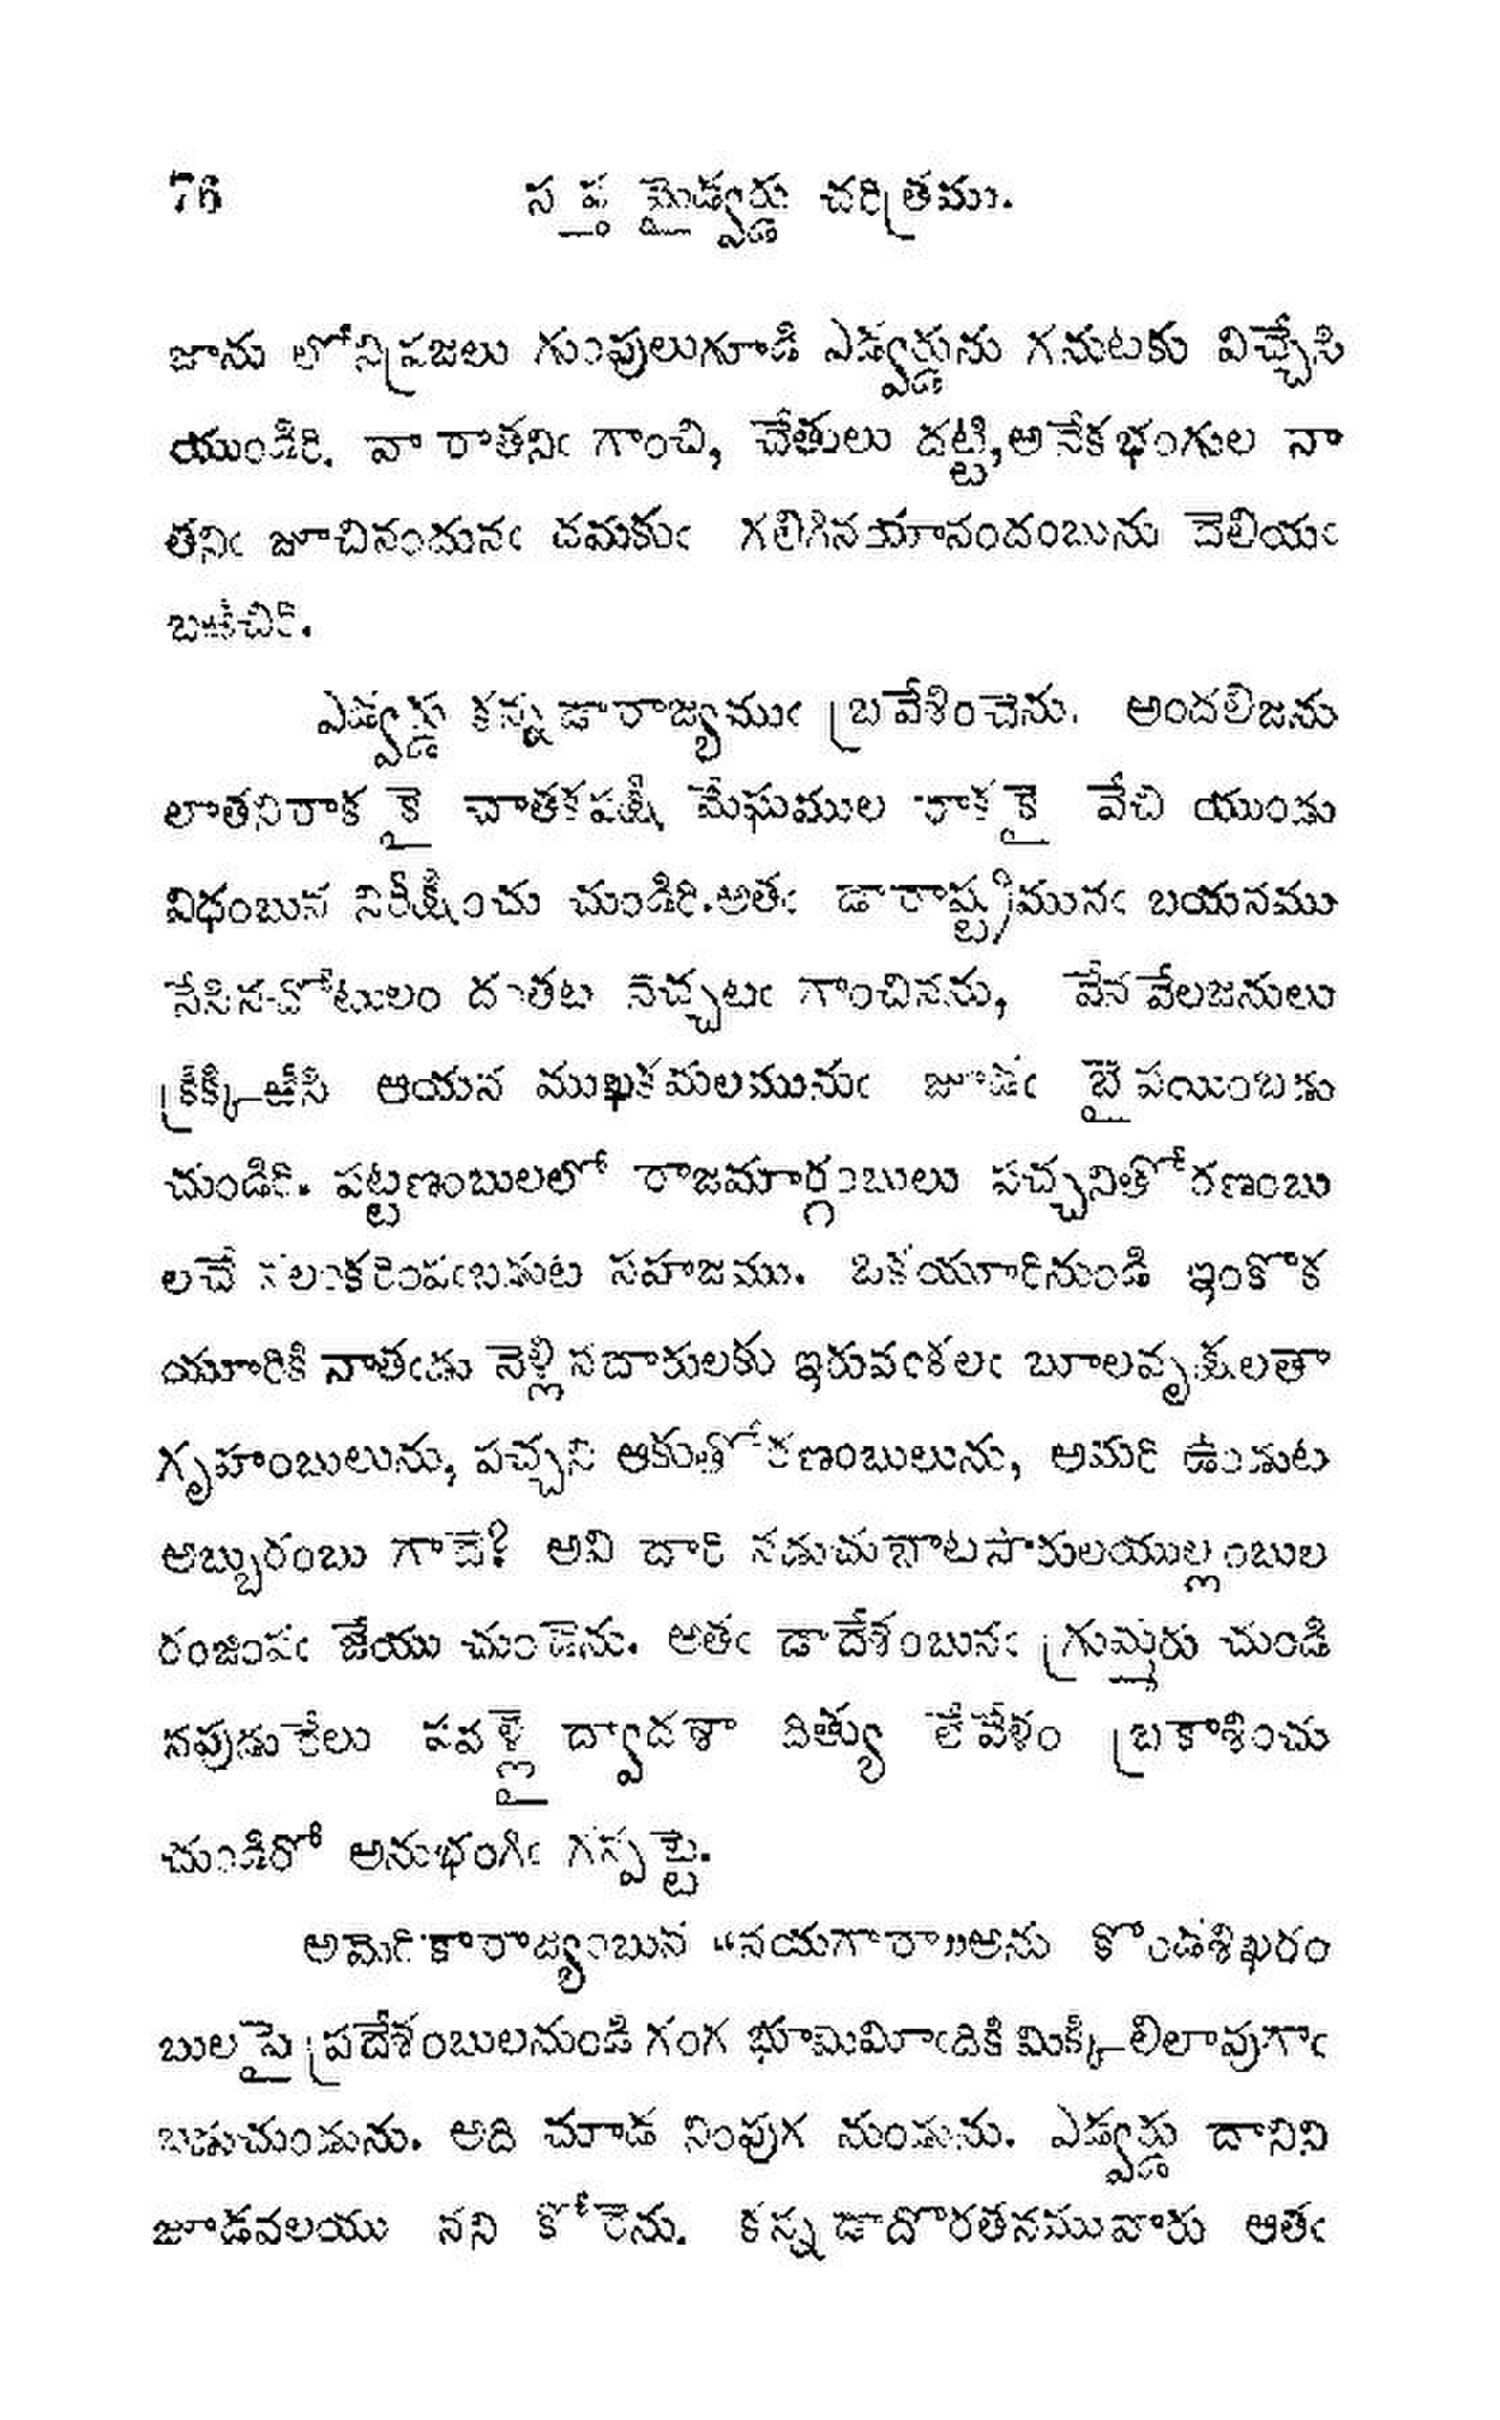జాను లోని ప్రజలు గుంపులు గూడి ఎడ్వర్డును గనుటకు విచ్చేసి యుండిరి.. వా రాతనిఁ గాంచి, చేతులు కట్టి, అ నేక భంగుల నా తనిఁ జూచి నందునఁ దమకుఁ గలిగిన యానందంబును దెలియఁ
బరచిరి.

ఎడ్వెర్డు కన్నడారాజ్యముఁ బ్రవేశించెను. అందలి జనులాతనిరాకకై చాతక పక్షి మేఘముల రాకకై వేచి యుండు విధంబున నిరీక్షించు చుండిరి. అతడారాష్ట్రమునఁ బయనము
సేసిన చోటులం దతట నెచ్చటం గాంచినను, వేన వేల జనులు క్రిక్కి రిసి ఆయన ముఖ కమలమునుఁ జూడ బై పయింబడు చుండిరి. పట్టణంబులలో రాజమార్గంబులు పచ్చని తోరణంబు
లచే లకరింప బడుట సహజము. ఒక యూరినుండి ఇంకొక యూరికి నాతఁడు వెళ్లిన దారులకు ఇరువంకలం బూల వృక్షులతా గృహంబులును, పచ్చని ఆకు తోరణంబులును, అమరి ఉండుట
అబ్బురంబు గాదే? అవి దారి నడుచు బాటసారుల యుల్లంబుల రంజింపఁ జేయు చుండెను. అతడా దేశంబున గ్రుమ్మరు చుండి నప్పుడు రేలు పవళ్లై ద్వాదశా దిత్యులే వేళం బ్రకాశించు
చురో అనుభంగిఁ గంపట్టె.

అమెరికా రాజ్యంబున నయగారాలను కొండశిఖరంబుల పై ప్రదేశంబులనుండి గంగ భూమి మీదికి మిక్కిలి లావుగాఁ బడు చుండును. అది చూడ నింపుగ నుండును. ఎడ్వర్డు దానిని
జూడవలయు నని కోరెను. కన్నడ దొరతనమువారు ఆతఁ